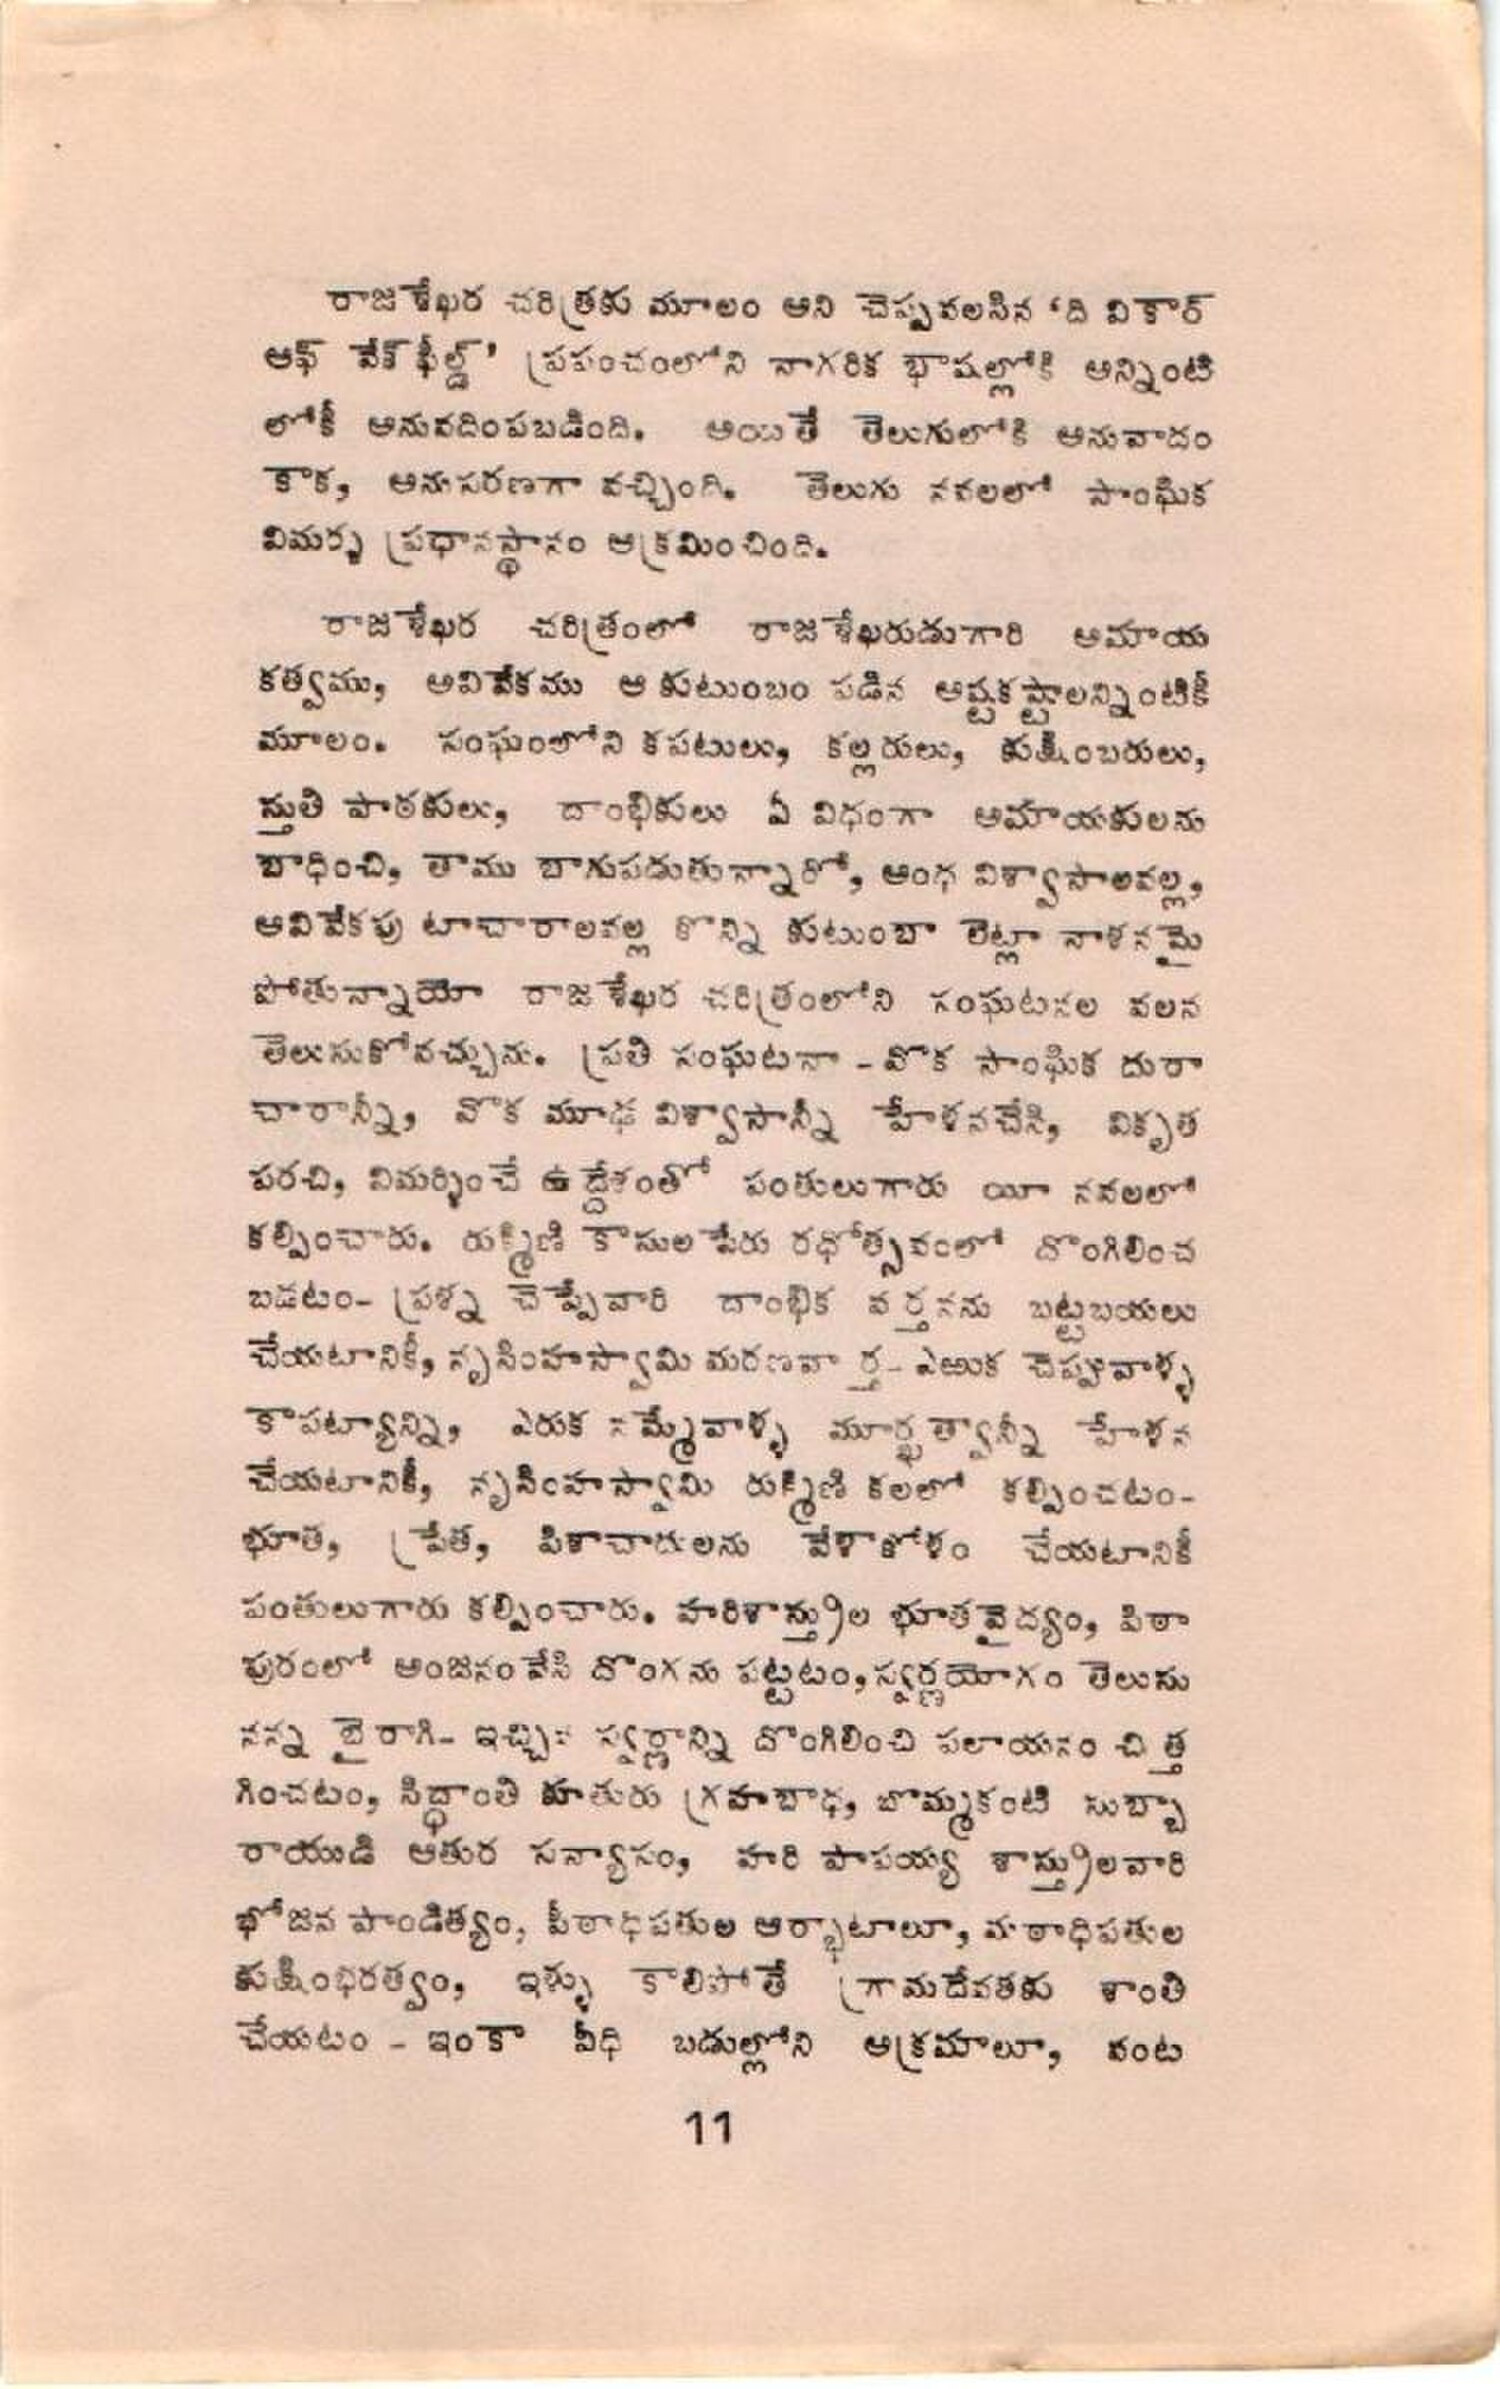రాజశేఖర చరిత్రకు మూలం అని చెప్పవలసిన ‘ది వికార్ ఆఫ్ వేక్ ఫీల్డ్’ ప్రపంచంలోని నాగరిక భాషల్లోకి అన్నింటిలోకి అనువదింపబడింది. అయితే తెలుగులోకి అనువాదం కాక, అనుసరణగా వచ్చింది. తెలుగు నవలలో సాంఘిక విమర్శ ప్రధానస్థానం ఆక్రమించింది.

రాజశేఖర చరిత్రంలో రాజశేఖరుడు గారి అమాయకత్వము, అవివేకము ఆ కుటుంబం పడిన అష్టకష్టాలన్నింటికీ మూలం. సంఘంలోని కపటులు కల్లరులు, కుక్షింబరులు, స్తుతి పాఠకులు, దాంభికులు ఏ విధంగా అమాయకులను బాధించి, తాము బాగుపడుతున్నారో, అంధ విశ్వాసాలవల్ల, అవివేకపు టాచారాల వల్ల కొన్ని కుటుంబా లెట్లా నాశనమై పోతున్నాయో రాజశేఖర చరిత్రంలోని సంఘటనల వలన తెలుసుకోవచ్చును. ప్రతి సంఘటనా - వొక సాంఘిక దురా చారాన్నీ, వొక మూఢ విశ్వాసాన్నీ హేళన చేసి, వికృత పరచి, విమర్శించే ఉద్దేశంతో పంతులుగారు యీ నవలలో కల్పించారు. రుక్మిణి కాసులపేరు రథోత్సవంలో దొంగిలించబడటం - ప్రశ్న చెప్పేవారి దాంభిక వర్తనను బట్టబయలు చేయటానికీ, నృసింహస్వామి మరణవార్త, ఎఱుక చెప్పువాళ్ళ కాపట్యాన్ని, ఎరుక నమ్మేవాళ్ళ మూర్ఖత్వాన్నీ హేళన చేయటానికీ, నృసింహ స్వామి రుక్మిణి కలలో కల్పించటం- భూత, ప్రేత, పిశాచాదులను వేళాకోళం చేయటానికీ పంతులు గారు కల్పించారు. హరిశాస్త్రుల భూతవైద్యం, పిఠాపురంలో అంజనంవేసి దొంగను పట్టటం, స్వర్ణయోగం తెలుసు నన్న బైరాగి- ఇచ్చిన స్వర్ణాన్ని దొంగిలించి పలాయనం చిత్తగించటం, సిద్ధాంతి కూతురు గ్రహ బాధ, బొమ్మకంటి సుబ్బారాయుడి ఆతుర సన్యాసం, హరి పాపయ్య శాస్త్రుల వారి భోజన పాండిత్యం, పీఠాధిపతుల ఆర్భాటాలూ; మఠాధిపతుల కుక్షింభరత్వం, ఇళ్ళు కాలిపోతే గ్రామదేవతకు శాంతి చేయడం - ఇంకా వీధి బడుల్లోని అక్రమాలూ, వంట